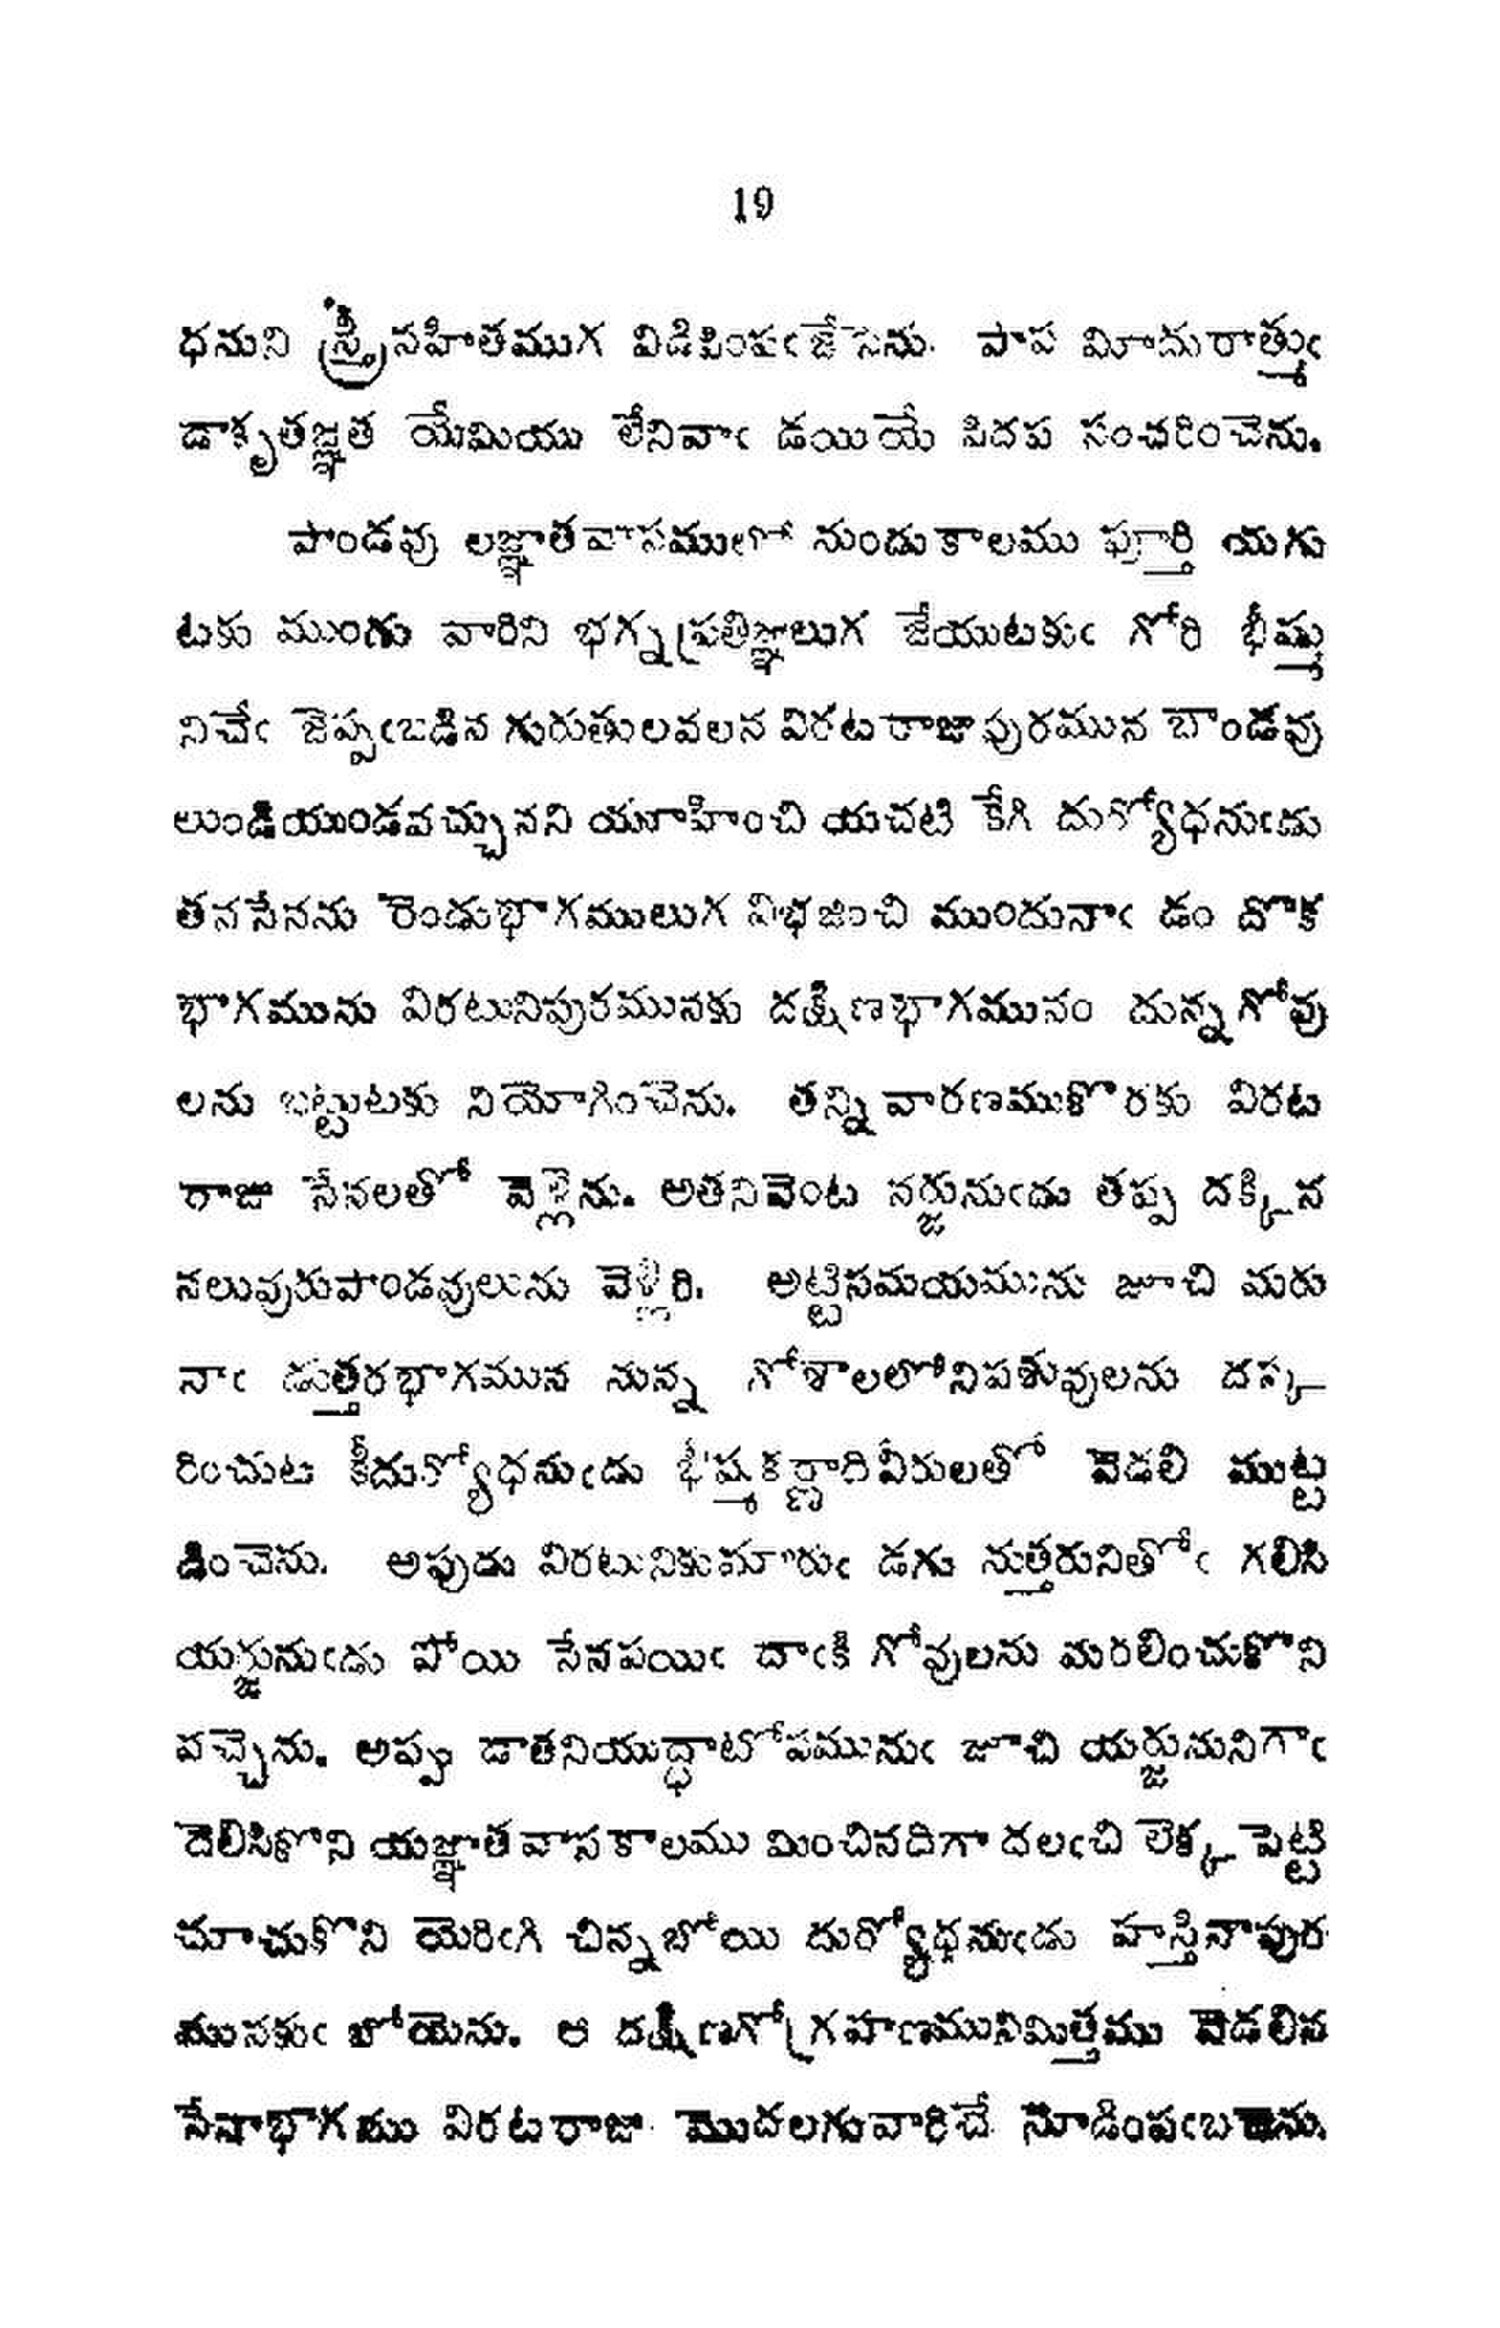ధనుని స్త్రీసహితముగ విడిపింపఁజేసెను. పాప మీదురాత్ముఁ డాకృతజ్ఞత యేమియు లేనివాఁ డయియే పిదప సంచరించెను.

పాండవు లజ్ఞాతవాసములో నుండుకాలము పూర్తి యగుటకు ముందు వారిని భగ్నప్రతిజ్ఞలుగ జేయుటకుఁ గోరి భీష్నినిచేఁ జెప్పఁబడిన గురుతులవలన విరటరాజుపురమున బాండవు
లుండియుండవచ్చునని యూహించి యచటి కేగి దుర్యోధనుఁడు తనసేనను రెండుభాగములుగ విభజించి ముందునాఁ డం దొక భాగమును విరటునిపురమునకు దక్షిణభాగమునం దున్నగోవులను బట్టుటకు నియోగించెను. తన్నివారణముకొరకు విరటరాజు సేనలతో వెళ్లెను. అతనివెంట నర్జునుఁడు తప్ప దక్కిన నలువురు పాండవులును వెళ్లిరి. అట్టిసమయమును జూచి మరునాఁ డుత్తరభాగమున నున్న గోశాలలోనిపశువులను దస్కరించుట కీదుర్యోధనుఁడు భీష్మకర్ణాదివీరులతో వెడలి ముట్ట
డించెను. అపుడు విరటునికుమారుఁ డగు నుత్తరునితోఁ గలిసి యర్జునుఁడు పోయి సేనపయిఁ దాఁకి గోవులను మరిలించుకొని పచ్చెను. అప్పు డాతనియుద్ధాటోపమునుఁ జూచి యర్జునునిగాఁ దెలిసికొని యజ్ఞాతవాసకాలము మించినదిగా దలఁచి లెక్క పెట్టి చూచుకొని యెరిగి చిన్నబోయి దుర్యోధనుఁడు హస్తినాపురమునకుఁ బోయెను. ఆ దక్షిణగోగ్రహణమునిమిత్తము వెడలిన సేనాభాగము విరటరాజు మొదలగువారిచే నోడింపఁబడెను.